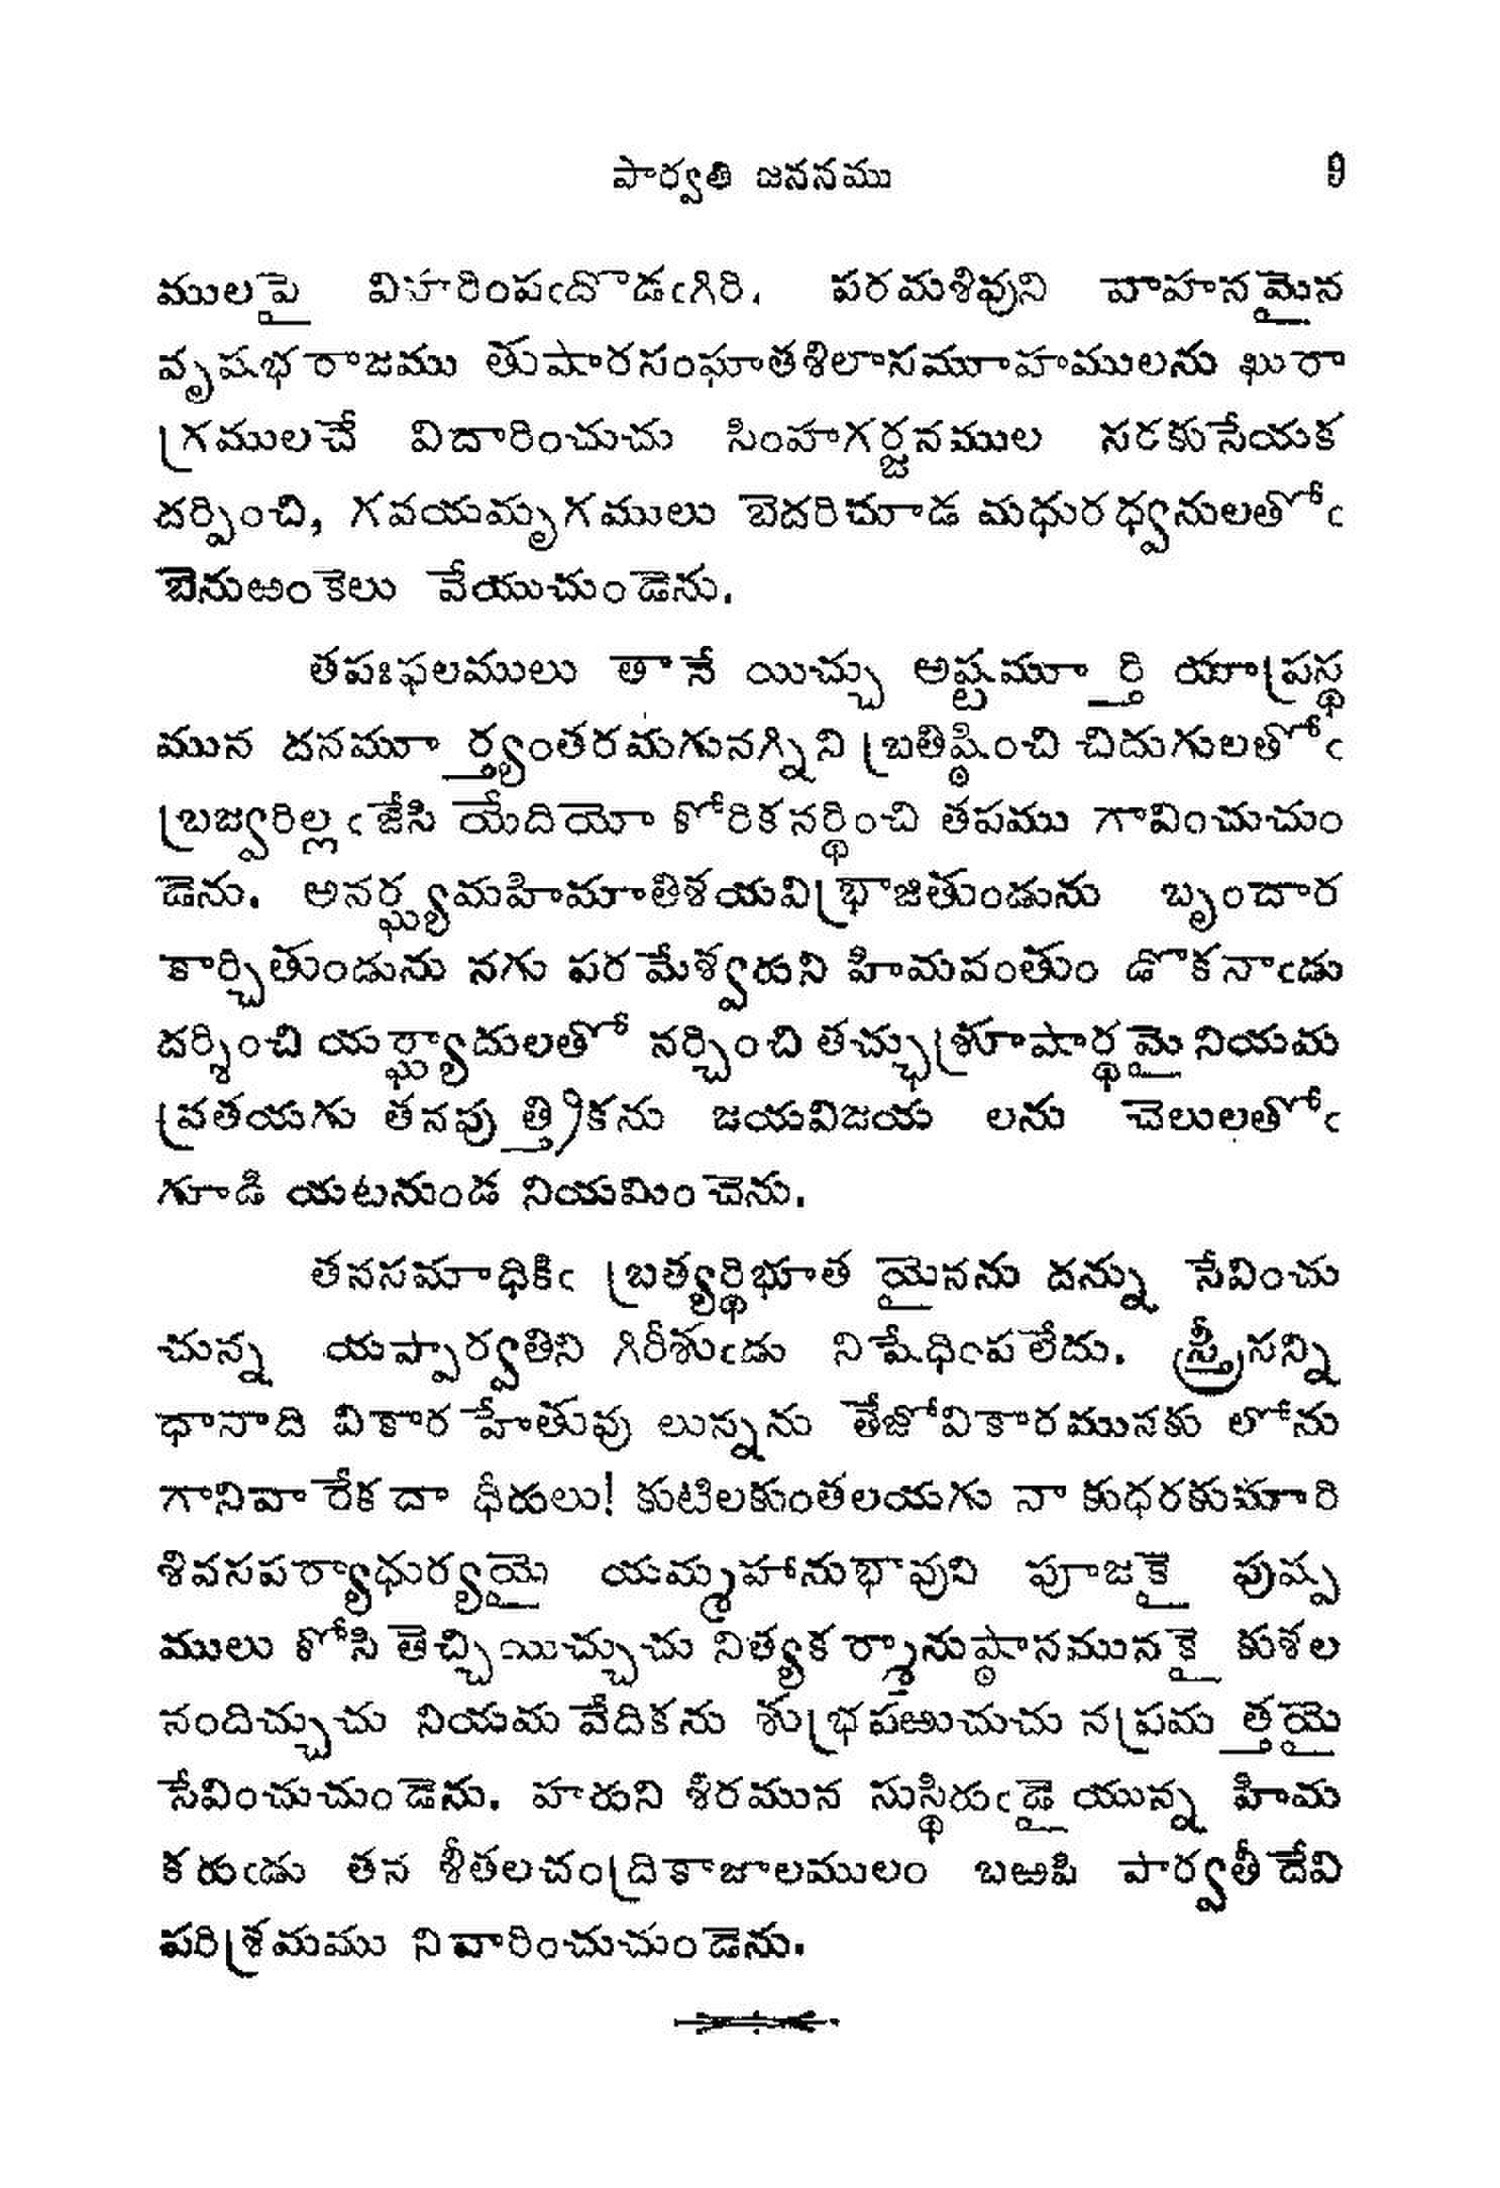ములపై విహరింపఁదొడఁగిరి, పరమశివుని వాహనమైన వృషభ రాజము తుషార సంఘాతశిలాసమూహములను ఖురాగ్రములచే విదారించుచు సింహగర్జనముల సరకుసేయక దర్పించి, గవయమృగములు బెదరిచూడ మధుర ధ్వనులతోఁ బెనుఱంకెలు వేయుచుండెను.

తపఃఫలములు తానే యిచ్చు అష్టమూర్తి యాప్రస్థమున దనమూర్త్యంతరమగు నగ్నిని బ్రతిష్టించి చిదుగులతోఁ బ్రజ్వరిల్ల ఁ జేసి యేదియో కోరిక నర్థించి తపము గావించుచుండెను, అనర్ఘ్యమహిమాతిశయ విభ్రాజితుండును బృందార కార్చితుండును నగు పరమేశ్వరుని హిమవంతుం డొకనాఁడు దర్శించి యర్ఘ్యాదులతో నర్చించి తచ్చుశ్రూషార్థమై నియమవ్రతయగు తనపుత్రికను జయవిజయ లను చెలులతోఁ గూడి యటనుండ నియమించెను.

తనసమాధికిఁ బ్రత్యర్థిభూత యైనను దన్ను సేవించుచున్న యప్పార్వతిని గిరీశుఁడు నిషేధింపలేదు. స్త్రీసన్నిధానాది వికార హేతువు లున్నను తేజోవికారమునకు లోనుగానివారేకదా ధీరులు! కుటిలకుంతలయగు నా కుధరకుమారి శివసపర్యాదుర్యయై యమ్మహానుభావుని పూజకై పుష్పములు కోసి తెచ్చియిచ్చుచు నిత్యకర్మానుష్ఠానమునకై కుశల నందిచ్చుచు నియమ వేదికను శుభ్రపఱుచుచు నప్రమత్తమై సేవించుచుండెను. హరుని శిరమున సుస్థిరుఁడై యున్న హిమకరుఁడు తన శీతల చంద్రికాజాలములం బఱపి పార్వతీ దేవి పరిశ్రమము నివారించుచుండెను.